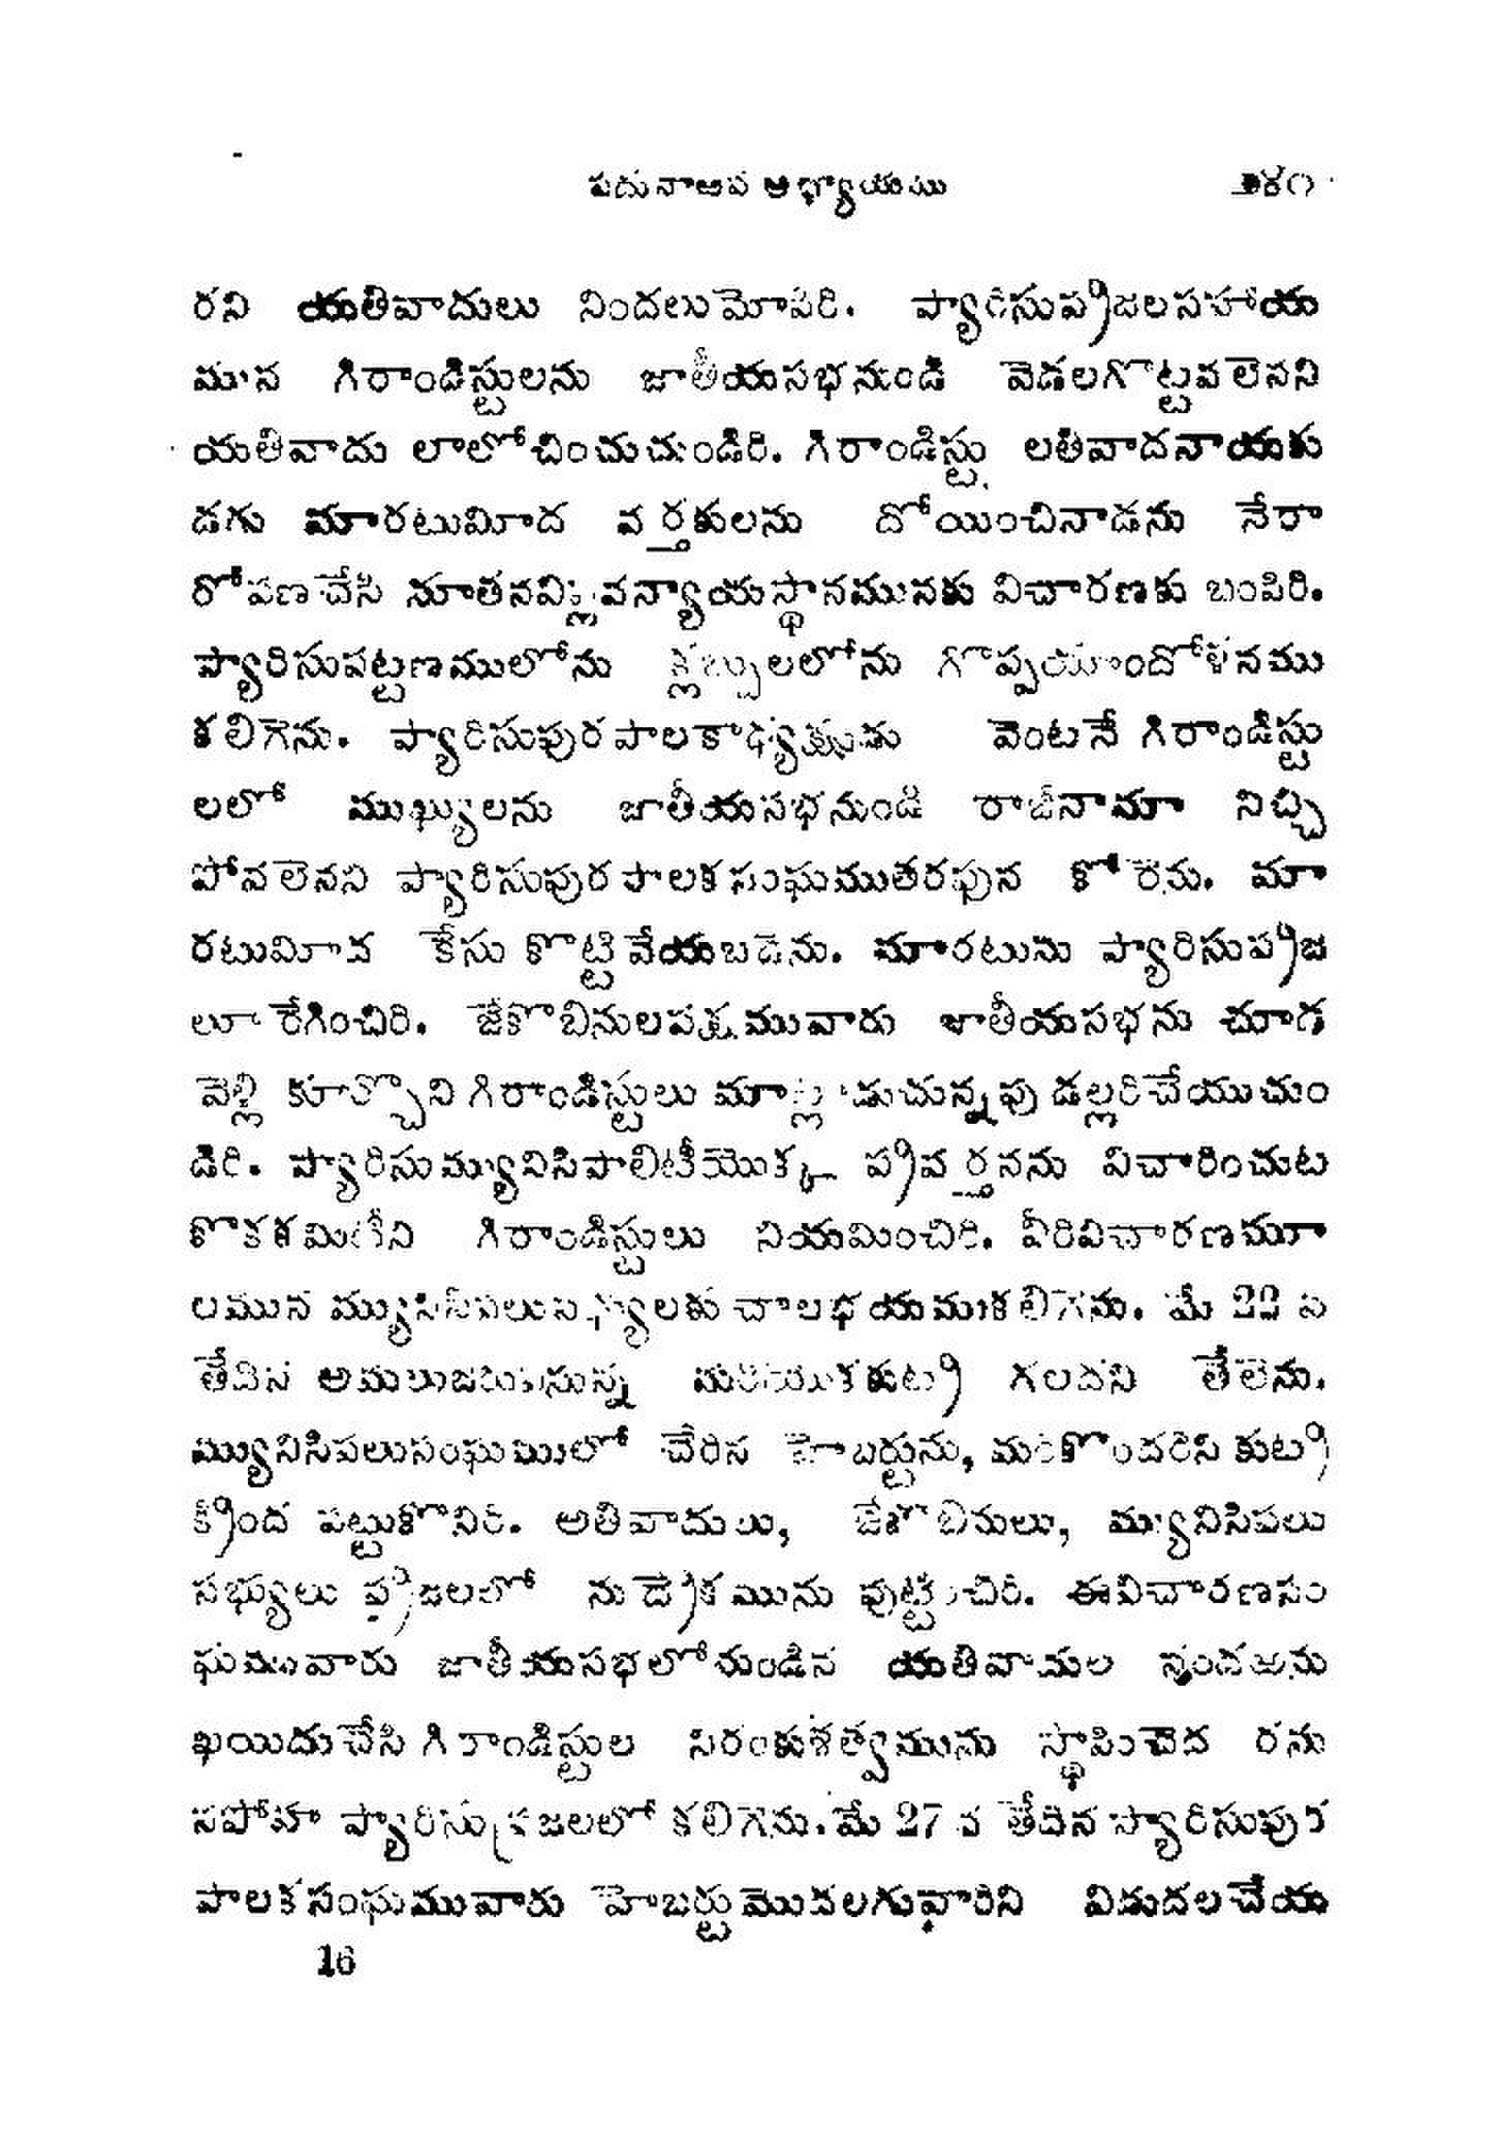రని యతివాదులు నిందలు మోపిరి. ప్యారిసు ప్రజల సహాయ
మున గిరాండిస్టులను జాతీయసభ నుండి వెడల గొట్టవలెనని
యతివాదు లాలోచించు చుండిరి. గిరాండిస్టు లతివాద నాయకు
డగు మారటు మీద వర్తకులను దోయించి నాడను నేరా
రోపణ చేసి నూతన విప్లవ న్యాయస్థానమునకు విచారణకు బంపిరి.
ప్యారిసు పట్టణము లోను క్లబ్బులలోను గొప్ప యాందోళనము
కలిగెను. ప్యారిసుపుర పాలకాధ్యక్షుడు వెంటనే గిరాండిస్టు
ముఖ్యులను జాతీయసభ నుండి రాజీనానూ నిచ్చి
పోవ లెనని ప్యారిసు పురపాలక సుఘము తరఫున కోరెను. మా
రటు మీద కేసు కొట్టి వేయబడెను. మారటును ప్యారిసుప్రజ
లూరేగించిరి. జేకొబినుల పక్షమువారు. జాతీయ సభను చూడ
వెళ్లి కూర్చొని గిరాండిస్టులు మాట్లడుచున్నఫు డల్లరిచేయుచుం
డిరి. ప్యారిసు మ్యునిసిపాలిటీ యొక్క ప్రవర్తనను విచారించుట
కొక కమిటీని గిరౌండిస్టులు నియమించిరి. వీరి విచారణమూ
లమున మ్యునిసిపలు సభ్యులకు చాల భయముక లిగెను. 'మే 22 వ
తేదీని అమలుజరుప సున్న మరియొక కుట్ర గలదని తేలెను.
మ్యునిసిపలు సంఘములో చేరిన హెబర్టును, మరి కొందరిని కుట్ర
క్రింద పట్టుకొనిరి. అతివాదులు, జెకోబినులు, మ్యూనిసిపలు
సభ్యులు ప్రజలలో సుద్రేకమును ఫుట్టించిరి. ఈ విచారణను
సంఘము వారు జాతీయ సభలో యుండిన యతివాదుల సందరును
ఖయిదు చేసి గిరాండిస్టుల నిరంకుశత్వమును స్థాపించెద రను
నపోహ ప్యారిసు ప్రజలలో కలిగెను. మే 27 వ తేదీన ప్యా రిసుపుర
పాలక సంఘమువారు హేబర్టు మొదలగువారిని విడుదల చేయ